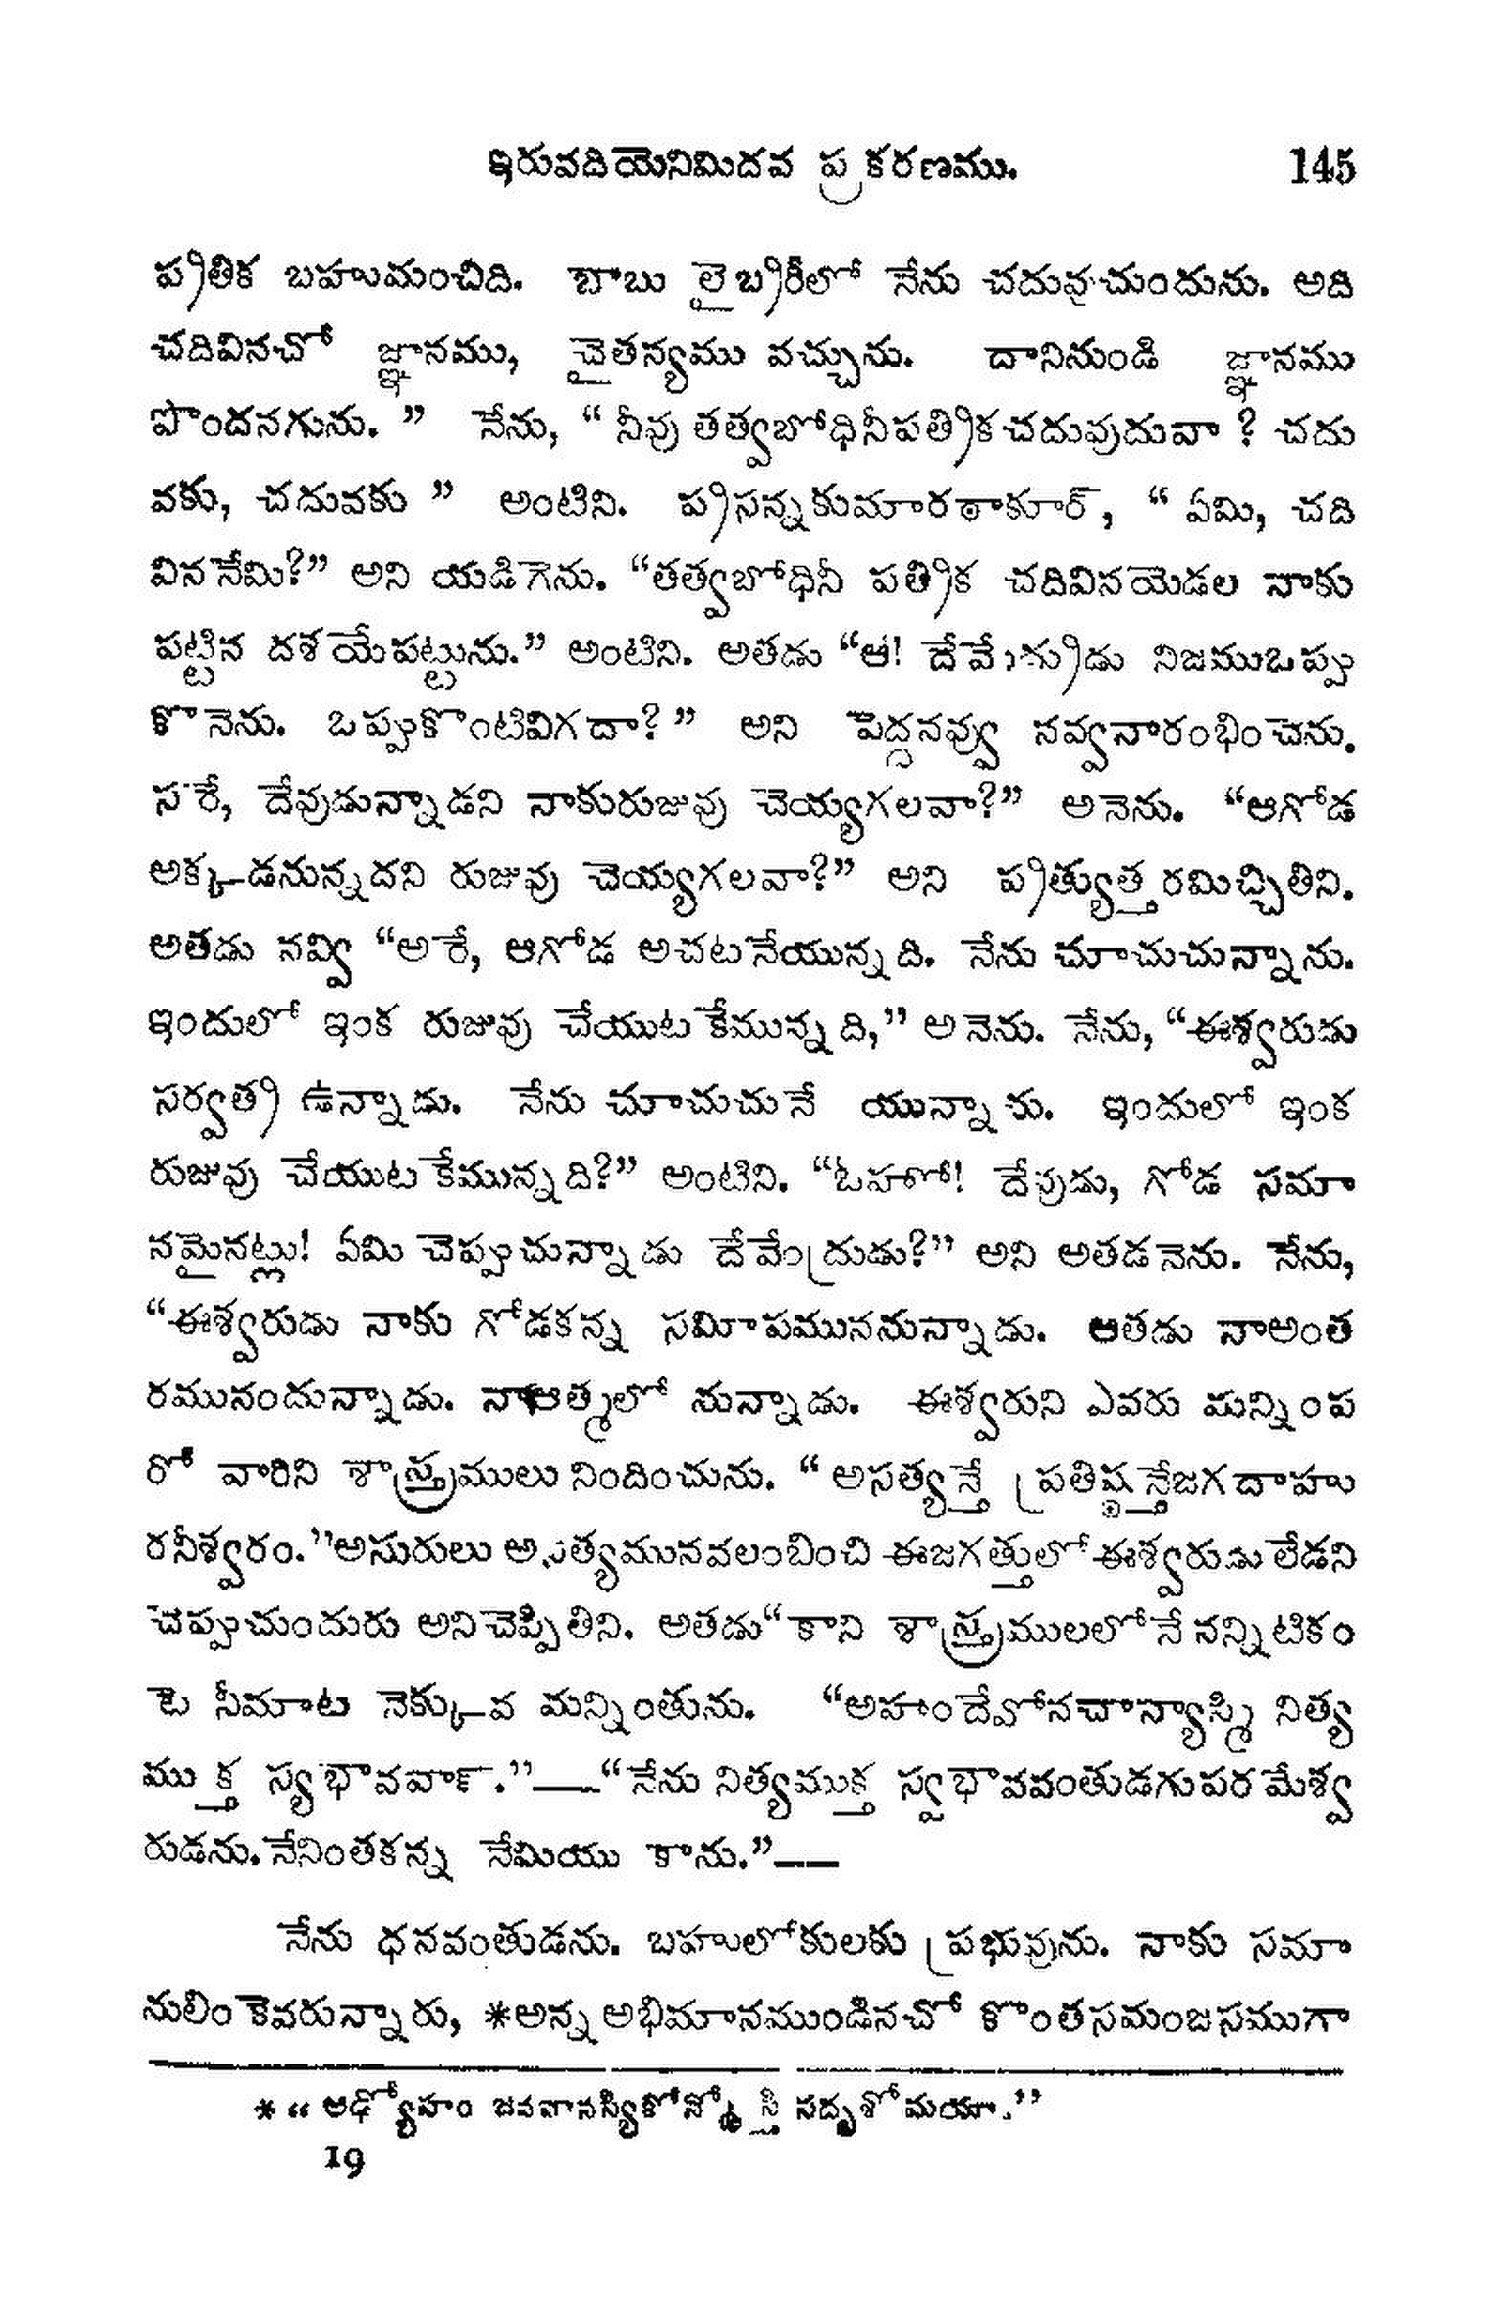పత్రిక బహుమంచిది. బాబు లైబ్రరీలో నేను చదువుచుందును. అదిచదివినచో జ్ఞానము, చైతన్యము వచ్చును.దానినుండి జ్ఞానము పొందనగును.” నేను, “నీవు తత్వబోధినీతిపత్రిక చదువుదువా? చదువకు, చదువకు "అంటిని. ప్రసన్నకుమారఠాకూర్ , “ఏమి, చదివిన నేమి?” అని యడిగెను. “తత్వబోధినీ పత్రిక చదివిన యెడల నాకుపట్టిన దశయేపట్టును.” అంటిని. అతడు “ఆ! దేవేంద్రుడు నిజము ఒప్పుకొనెను. ఒప్పుకొంటివిగదా? ” అని పెద్దనవ్వు నవ్వనారంభించెను. సరే, దేవుడున్నాడని నాకు రుజువు చెయ్యగలవా?” అనెను. “ఆగోడ
అక్కడనున్నదని రుజువు చెయ్యగలవా?” అని ప్రత్యుత్తరమిచ్చితిని. అతడు నవ్వి “అరే, ఆగోడ అచట నేయున్నది. నేను చూచుచున్నాను. ఇందులో ఇంక రుజువు చేయుట కేమున్నది,” అనెను. నేను, “ఈశ్వరుడు సర్వత్ర ఉన్నాడు. నేను చూచుచునే యున్నారు. ఇందులో ఇంక రుజువు చేయుట కేమున్నది?” అంటిని. “ఓహో! దేవుడు, గోడ సమానమైనట్లు! ఏమి చెప్పుచున్నాడు దేవేంద్రుడు?" అని అతడనెను. నేను,
“ఈశ్వరుడు నాకు గోడకన్న సమీపముననున్నాడు. ఆతడు నాఅంతరమునందున్నాడు. నాఆత్మలో నున్నాడు. ఈశ్వరుని ఎవరు మన్నింపరో వారిని శాస్త్రములు నిందించును. " అసత్యస్తే ప్రతిష్ఠన్తేజగదాహురనీశ్వరం.” అసురులు అసత్యమునవలంబించి ఈ జగత్తులో ఈశ్వరుడు లేడని చెప్పుచుందురు అని చెప్పితిని, అతడు “కాని శాస్త్రములలో నే నన్నిటికటె నీమాట నెక్కువ మన్నింతును. "అహం దేవోన చాన్యాస్మి నిత్యముక్తస్య భావవాన్” - “నేను నిత్యముక్త స్వభావవంతుడగు పరమేశ్వరుడను. నేనింతకన్న నేమియు కాను.” -

నేను ధనవంతుడను. బహులోకులకు ప్రభువును. నాకు సమానులింకెవరున్నారు, అన్న అభిమానముండినచో కొంత సమంజసముగా